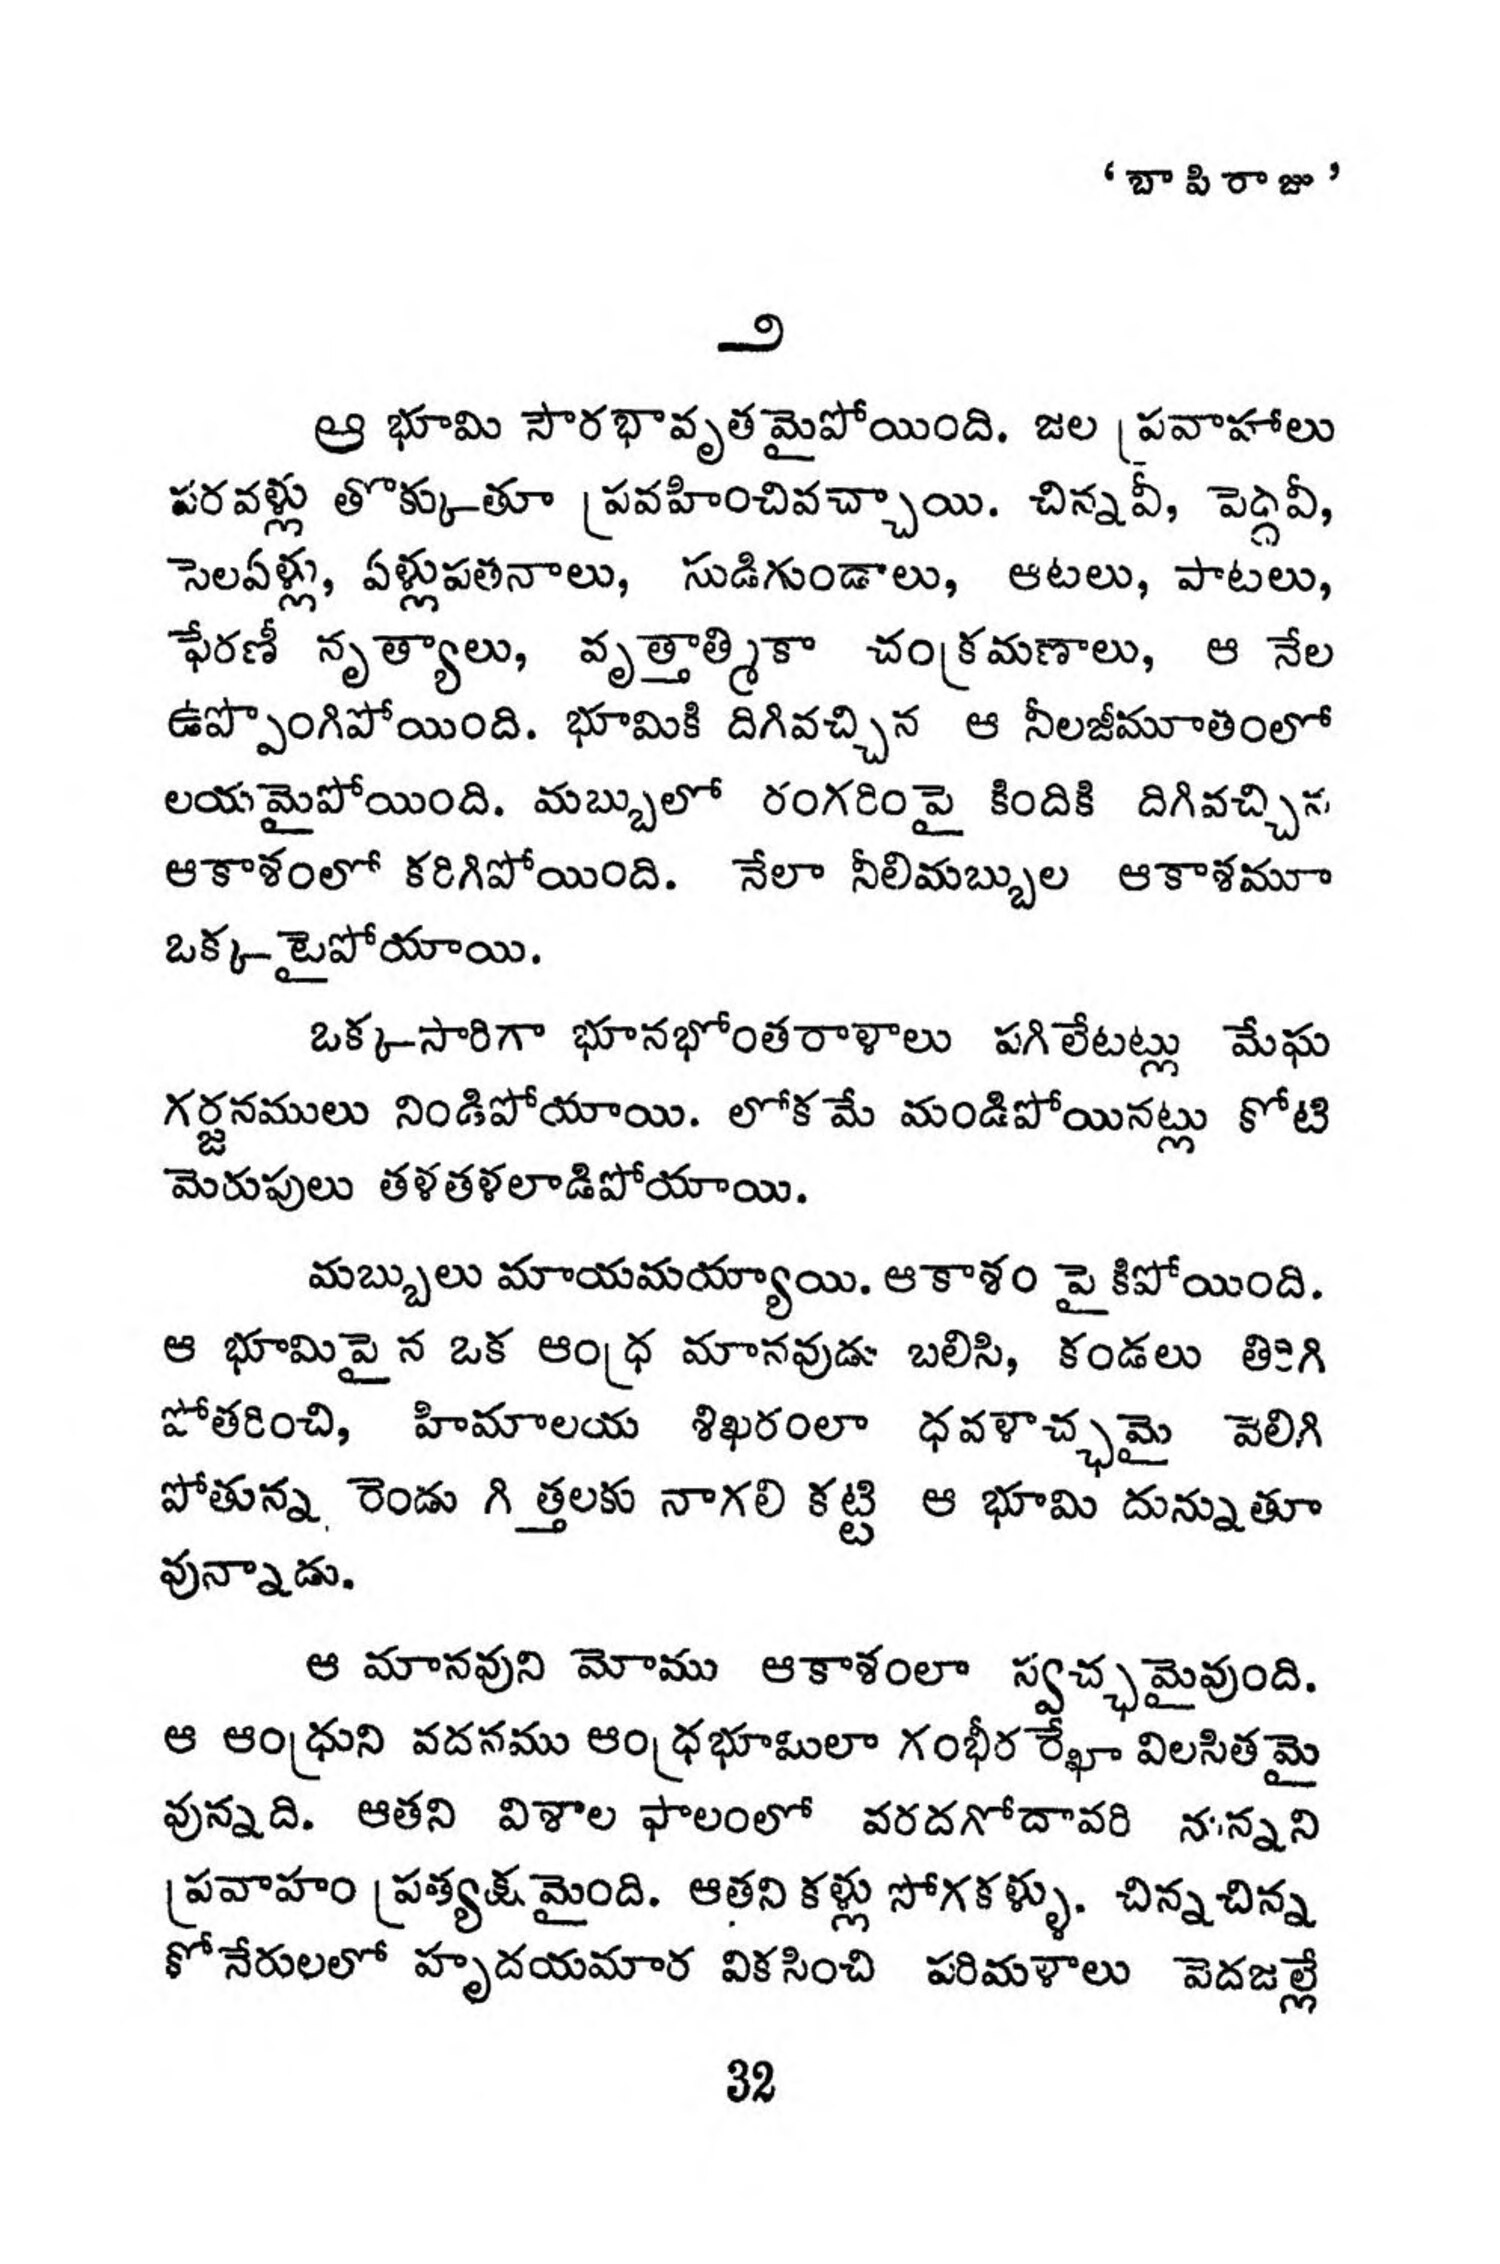2

ఆ భూమి సౌరభావృతమైపోయింది. జల ప్రవాహాలు పరవళ్లు తొక్కుతూ ప్రవహించివచ్చాయి. చిన్నవీ, పెద్దవీ, సెలఏళ్లు, ఏళ్లుపతనాలు, సుడిగుండాలు, ఆటలు, పాటలు, ఫేరణీ నృత్యాలు, వృత్తాత్మికా చంక్రమణాలు, ఆ నేల ఉప్పొంగిపోయింది. భూమికి దిగివచ్చిన ఆ నీలజీమూతంలో లయమైపోయింది. మబ్బులో రంగరింపై కిందికి దిగివచ్చిన ఆకాశంలో కరిగిపోయింది. నేలా నీలిమబ్బుల ఆకాశమూ ఒక్కటైపోయాయి.

ఒక్కసారిగా భూనభోంతరాళాలు పగిలేటట్లు మేఘ గర్జనములు నిండిపోయాయి. లోకమే మండిపోయినట్లు కోటి మెరుపులు తళతళలాడిపోయాయి.

మబ్బులు మాయమయ్యాయి. ఆకాశం పైకిపోయింది. ఆ భూమిపైన ఒక ఆంధ్ర మానవుడు బలిసి, కండలు తిరిగి పోతరించి, హిమాలయ శిఖరంలా ధవళాచ్ఛమై వెలిగి పోతున్న రెండు గిత్తలకు నాగలి కట్టి ఆ భూమి దున్నుతూ వున్నాడు.

ఆ మానవుని మోము ఆకాశంలా స్వచ్ఛమైవుంది. ఆ ఆంధ్రుని వదనము ఆంధ్రభూమిలా గంభీరరేఖా విలసితమై వున్నది. అతని విశాల ఫాలంలో వరదగోదావరి నున్నని ప్రవాహం ప్రత్యక్షమైంది. ఆతని కళ్లు సోగకళ్ళు. చిన్నచిన్న కోనేరులలో హృదయమార వికసించి పరిమళాలు వెదజల్లే